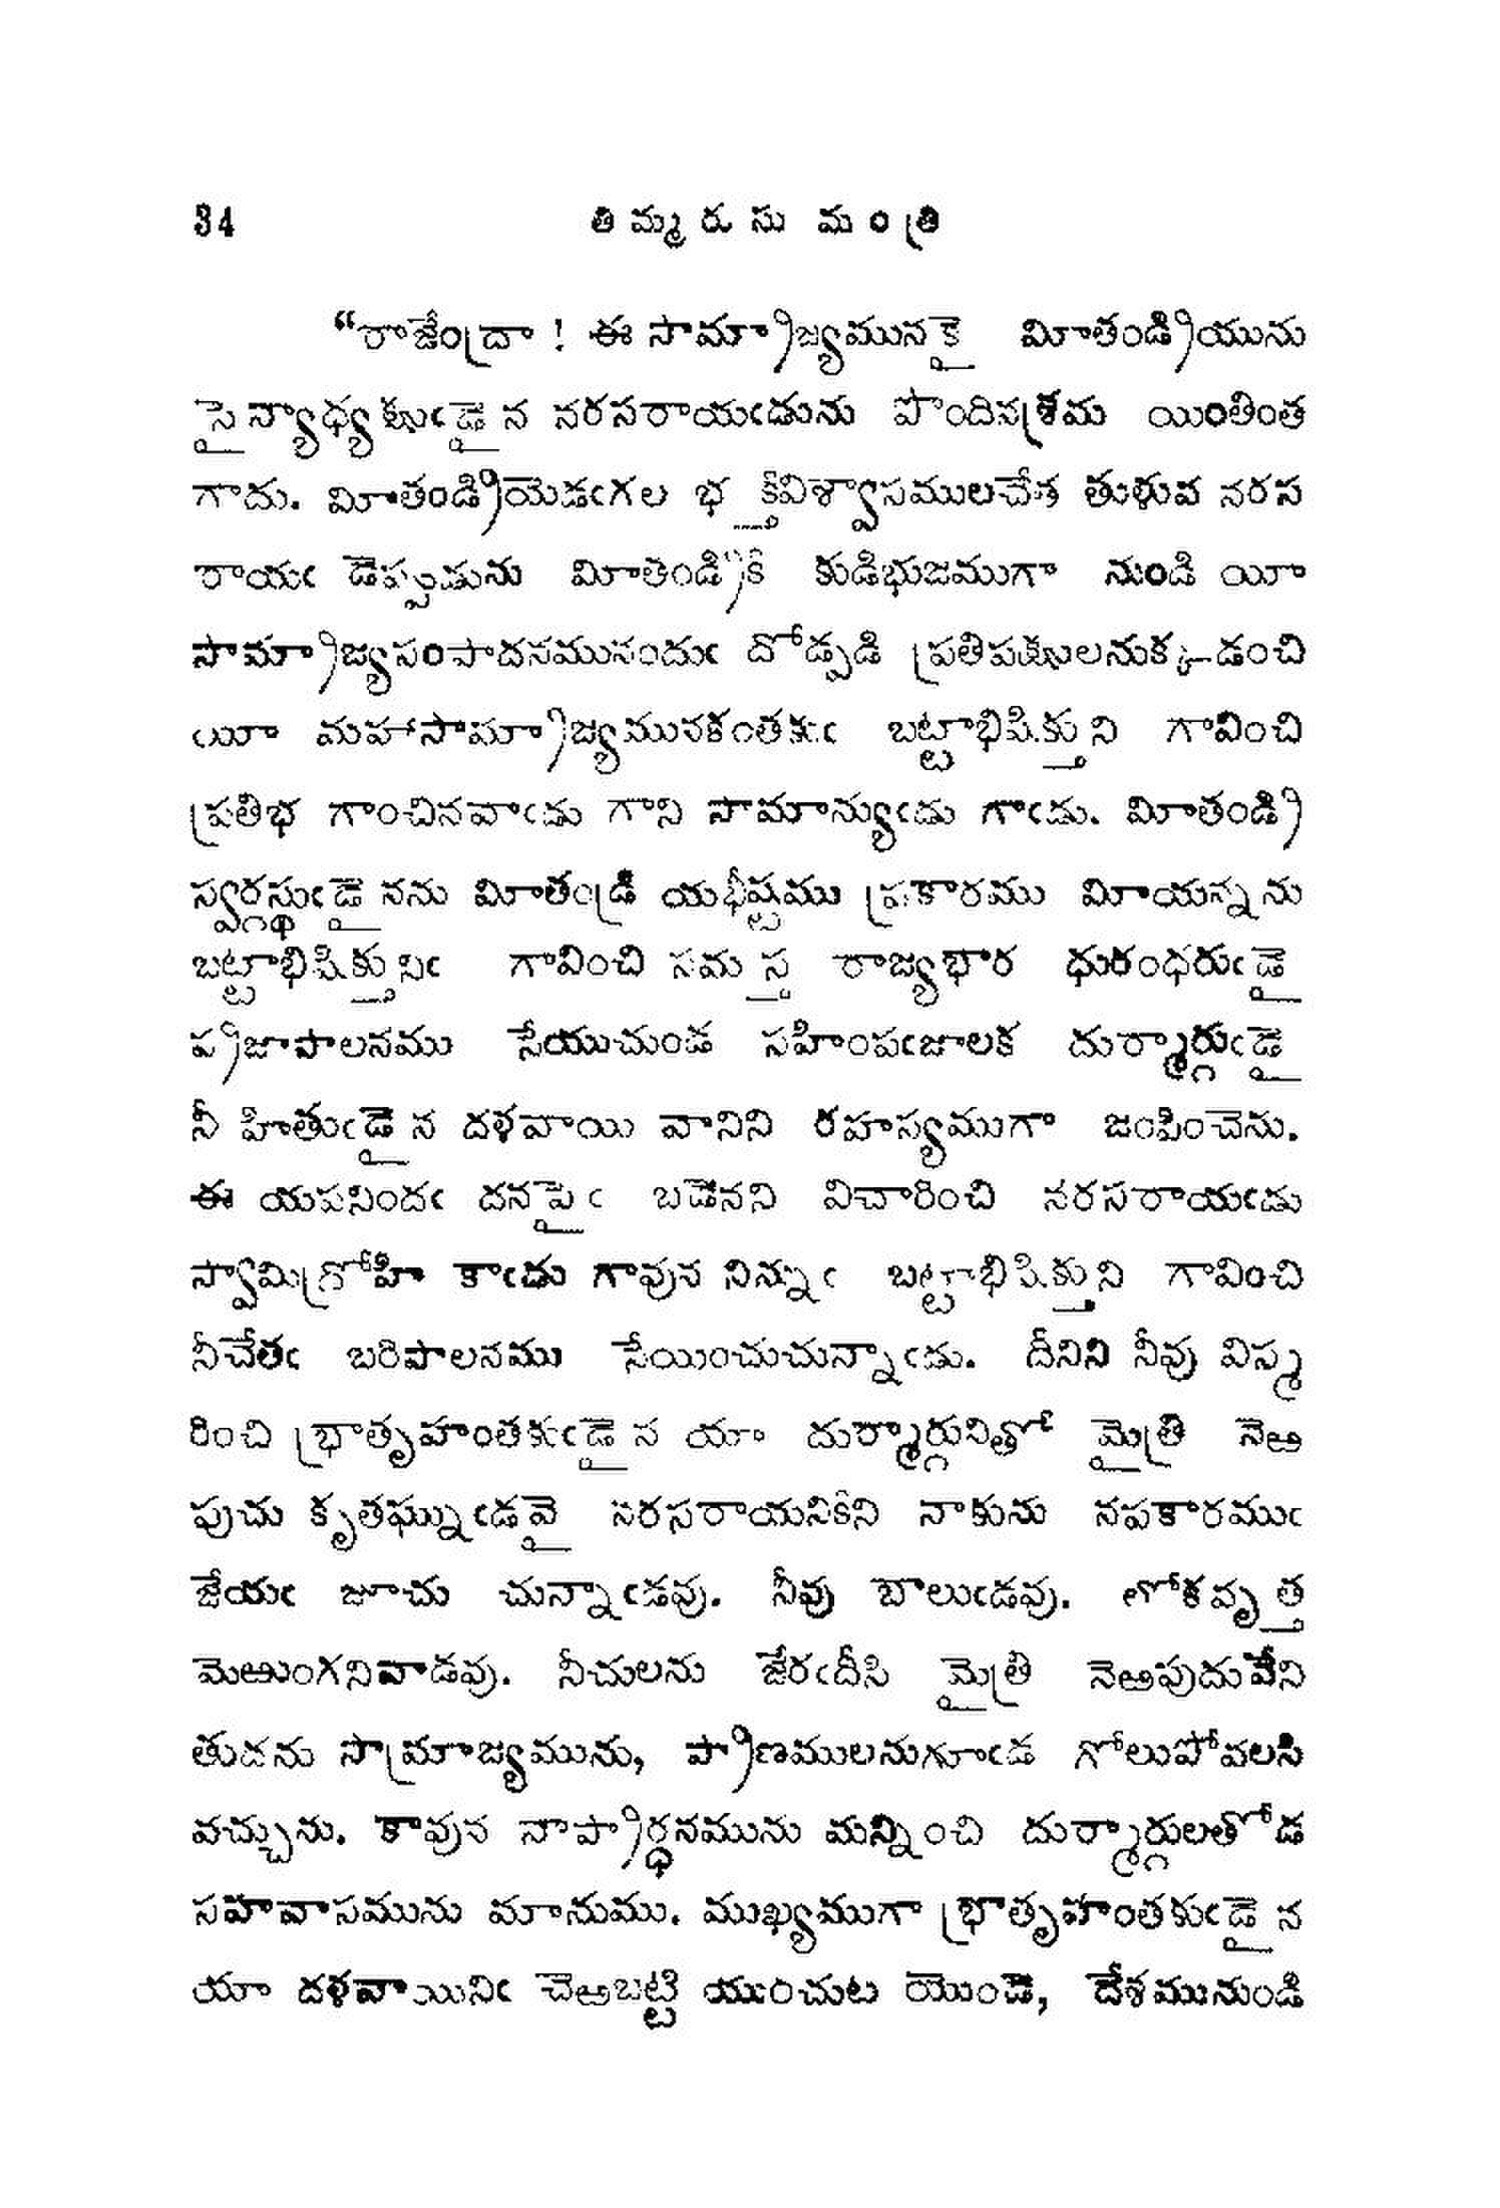"రాజేంద్రా! ఈ సామ్రాజ్యమునకై మీతండ్రియును సైన్యాధ్యక్షుఁడైన నరసరాయఁడును పొందినశ్రమ యింతింత గాదు. మీతండ్రియెడఁగల భక్తివిశ్వాసములచేత తుళువ నరసరాయఁ డెప్పుడును మీతండ్రికి కుడిభుజముగా నుండి యీ సామ్రాజ్యసంపాదనమునందుఁ దోడ్పడి ప్రతిపక్షులనుక్కడంచి యీ మహాసామ్రాజ్యమునకంతకుఁ బట్టాభిషిక్తుని గావించి ప్రతిభ గాంచినవాఁడు గాని సామాన్యుఁడు గాఁడు. మీతండ్రి స్వరస్థుఁడైనను మీతండ్రి యభీష్టము ప్రకారము మీయన్నను బట్టాభిషిక్తునిఁ గావించి సమస్త రాజ్యభార ధురంధరుఁడై ప్రజాపాలనము సేయుచుండ సహింపఁజాలక దుర్మార్గుఁడై నీ హితుఁడైన దళవాయి వానిని రహస్యముగా జంపించెను. ఈ యపనిందఁ దనపైఁ బడెనని విచారించి నరసరాయఁడు స్వామిద్రోహి కాఁడు గావున నిన్నుఁ బట్టాభిషిక్తుని గావించి నీచేతఁ బరిపాలనము సేయించుచున్నాఁడు. దీనిని నీవు విస్మరించి భ్రాతృహంతకుఁడైన యా దుర్మార్గునితో మైత్రి నెఱపుచు కృతఘ్నుఁడవై నరసరాయనికిని నాకును నపహరముఁ జేయఁ జూచు చున్నాఁడవు. నీవు బాలుఁడవు. లోకవృత్త మెఱుంగనివాడవు. నీచులను జేరఁదీసి మెత్రి నెఱుపుదువేని తుదను సామ్రాజ్యమును, ప్రాణములనుగూఁడ గోలుపోవలసి వచ్చును. కావున నాప్రార్ధనమును మన్నించి దుర్మార్గులతోడ సహవాసమును మానుము. ముఖ్యముగా భ్రాతృహంతకుఁడైన యా దళవాయినిఁ చెఱబట్టి యుంచుట యొండె, దేశమునుండి